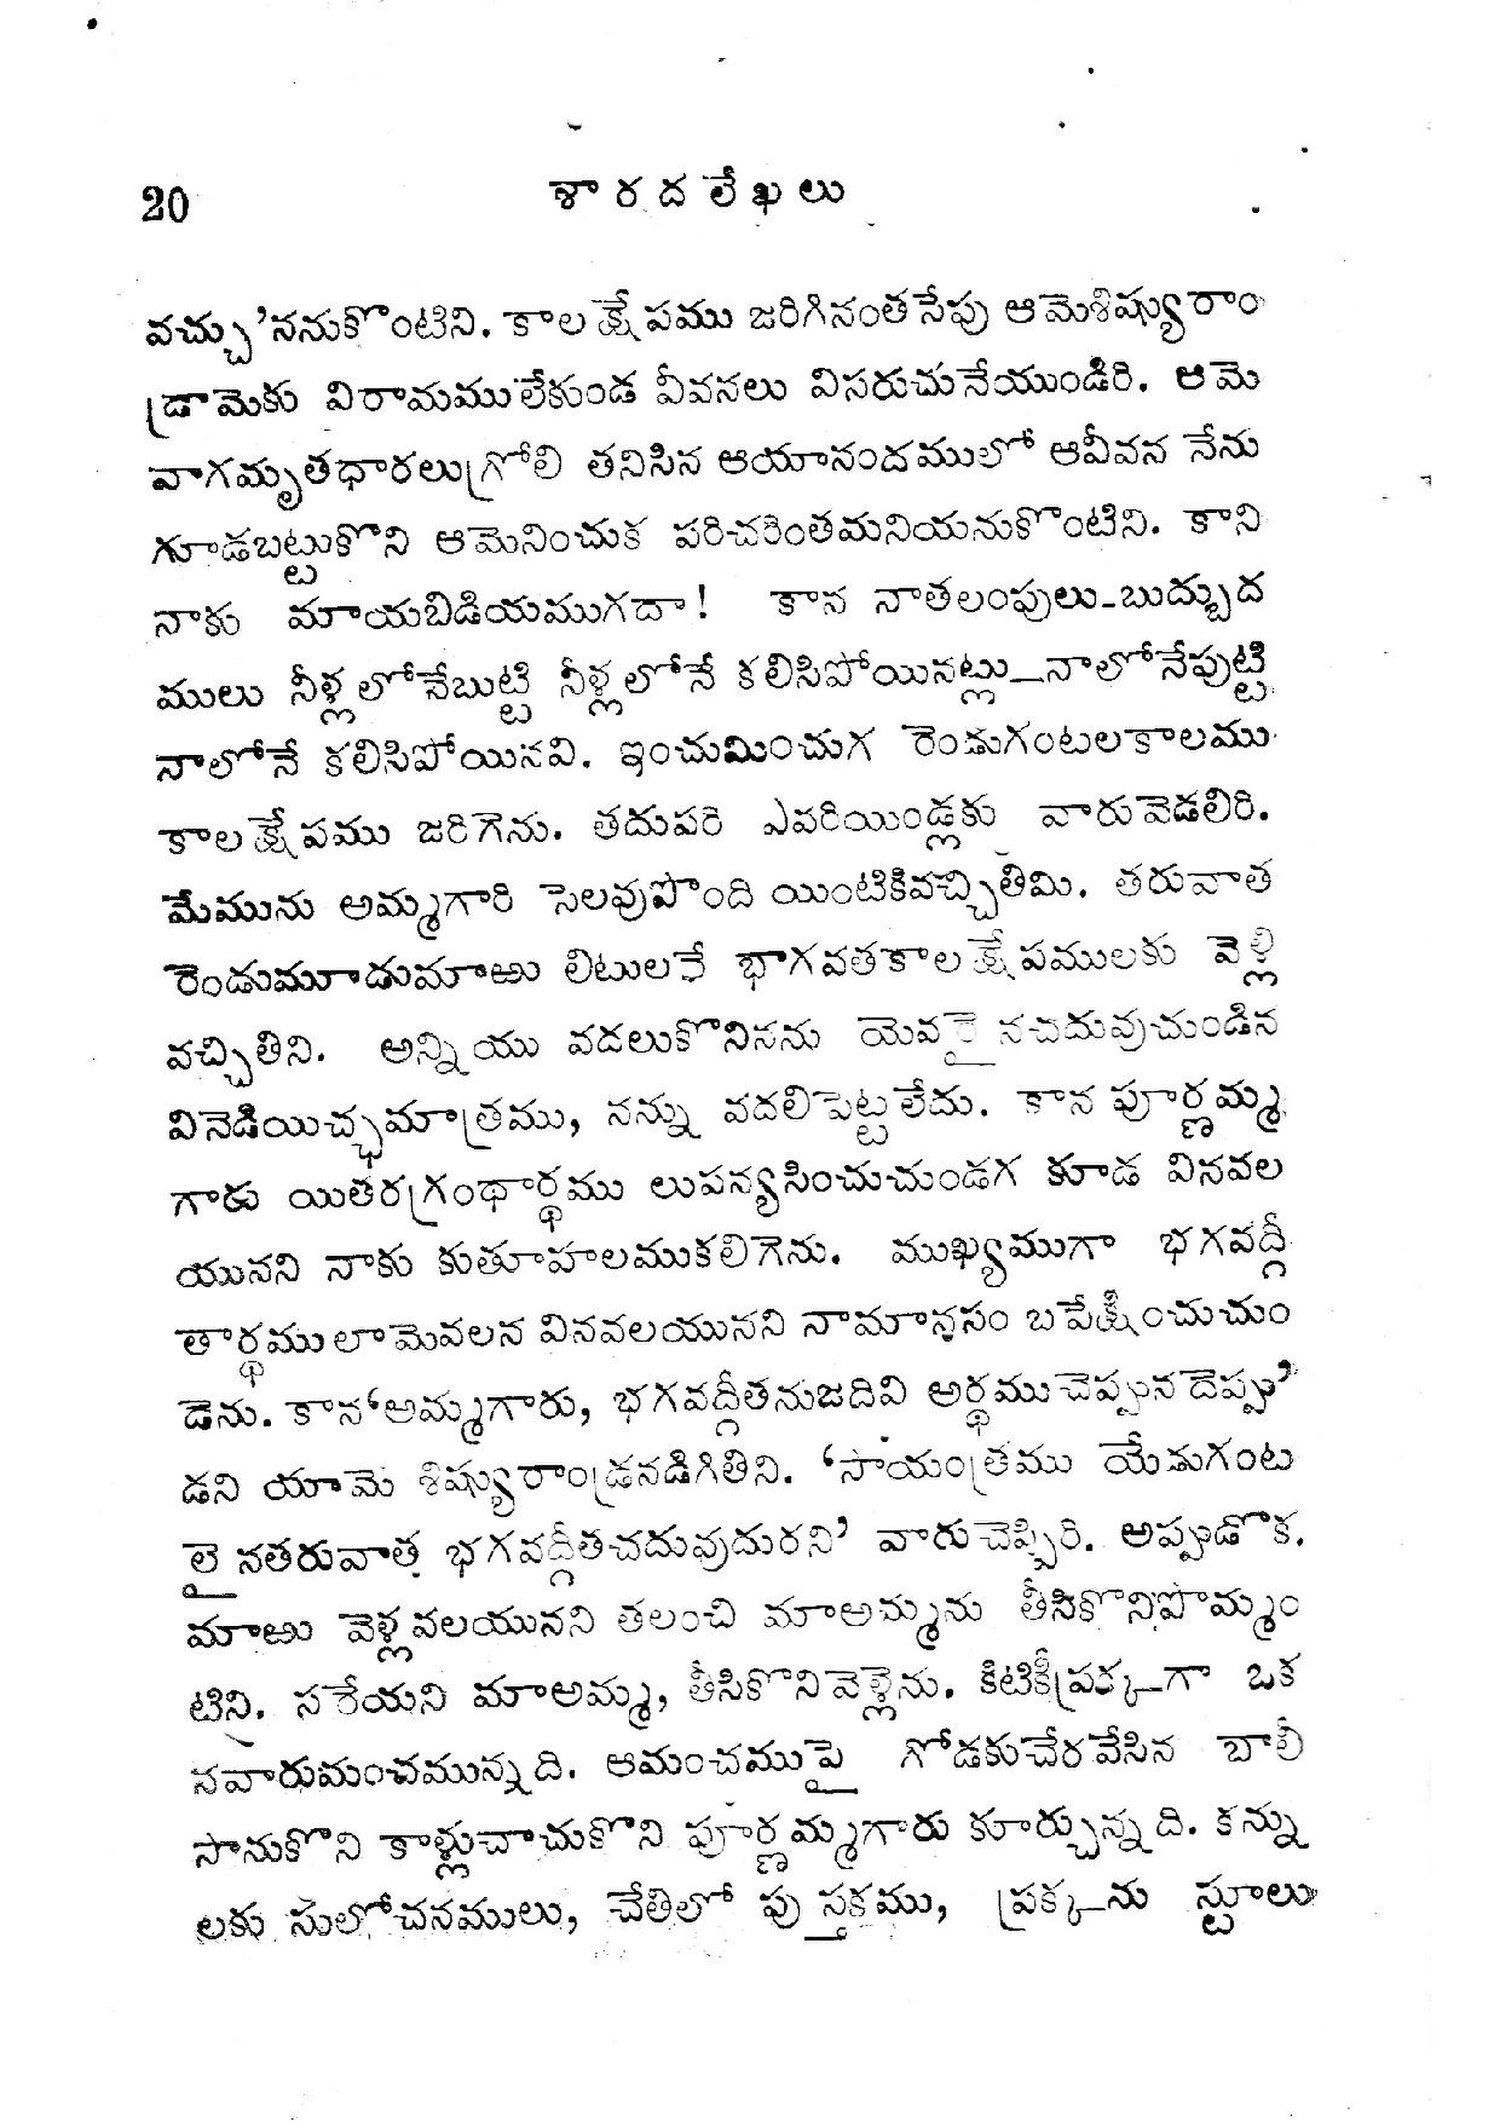వచ్చు'ననుకొంటిని. కాలక్షేపము జరిగినంత సేపు ఆమెశిష్యురాం
డ్రామెకు విరామము లేకుండ వీవనలు విసరుచునేయుండిరి. ఆమె
వాగమృతధారలుగ్రోలి తనిసిన ఆయా నందములో ఆవీవన నేను
గూడబట్టుకొని ఆమెనించుక పరిచరింతమనియనుకొంటిని. కాని
నాకు మాయబిడియముగదా! కానీ నాతలంపులు బుద్బుద
ములు నీళ్లలో నేబుట్టి నీళ్లలోనే కలిసిపోయినట్లు నాలో నేపుట్టి
నాలోనే కలిసిపోయినవి. ఇంచుమించుగ రెండు గంటల కాలము
కాలక్షేపము జరిగెను. తదుపరి ఎవరియిండ్లకు వారు వెడలిరి.
మేమును అమ్మగారి సెలవుపొంది యింటికివచ్చితిమి. తరువాత
రెండుమూడుమాఱు లిటులనే భాగవత కాల క్షేపములకు వెళ్లి
వచ్చితిని. అన్నియు వడలుకొనినను యెవరై నచదువుచుండిన
వినెడియిచ్ఛమాత్రము, నన్ను వదలిపెట్టలేదు. కాన పూర్ణమ్మ
గారు యితర గ్రంథార్థము లుపన్యసించుచుండగ కూడ వినవల
యునని నాకు కుతూహలముకలిగెను. ముఖ్యముగా భగవద్గీ
తార్థములామెవలన వినవలయునని నామానసం బపేక్షించుచుం
డెను.కాన‘అమ్మగారు,భగవద్గీతను జదివి అర్థము చెప్పున దెప్పు'
డని యామె శిష్యురాండ్రనడిగితిని. 'సాయంత్రము యేడుగంట
లై నతరువాత భగవద్గీత చదువుదురని' వారు చెప్పిరి. అప్పుడొక
మాఱు వెళ్లవలయునని తలంచి మాఅమ్మను తీసికొనిపొమ్మం
టిని. సరేయని మాఅమ్మ, తీసికొనివెళ్లెను. కిటికీప్రక్కగా ఒక
నవారుమంచమున్నది. ఆమంచముపై గోడకు చేర వేసిన బాలీ
సానుకొని కాళ్లుచాచుకొని పూర్ణమ్మగారు కూర్చున్నది. కన్ను
లకు సులోచనములు, చేతిలో పుస్తకము, ప్రక్కను స్టూలు